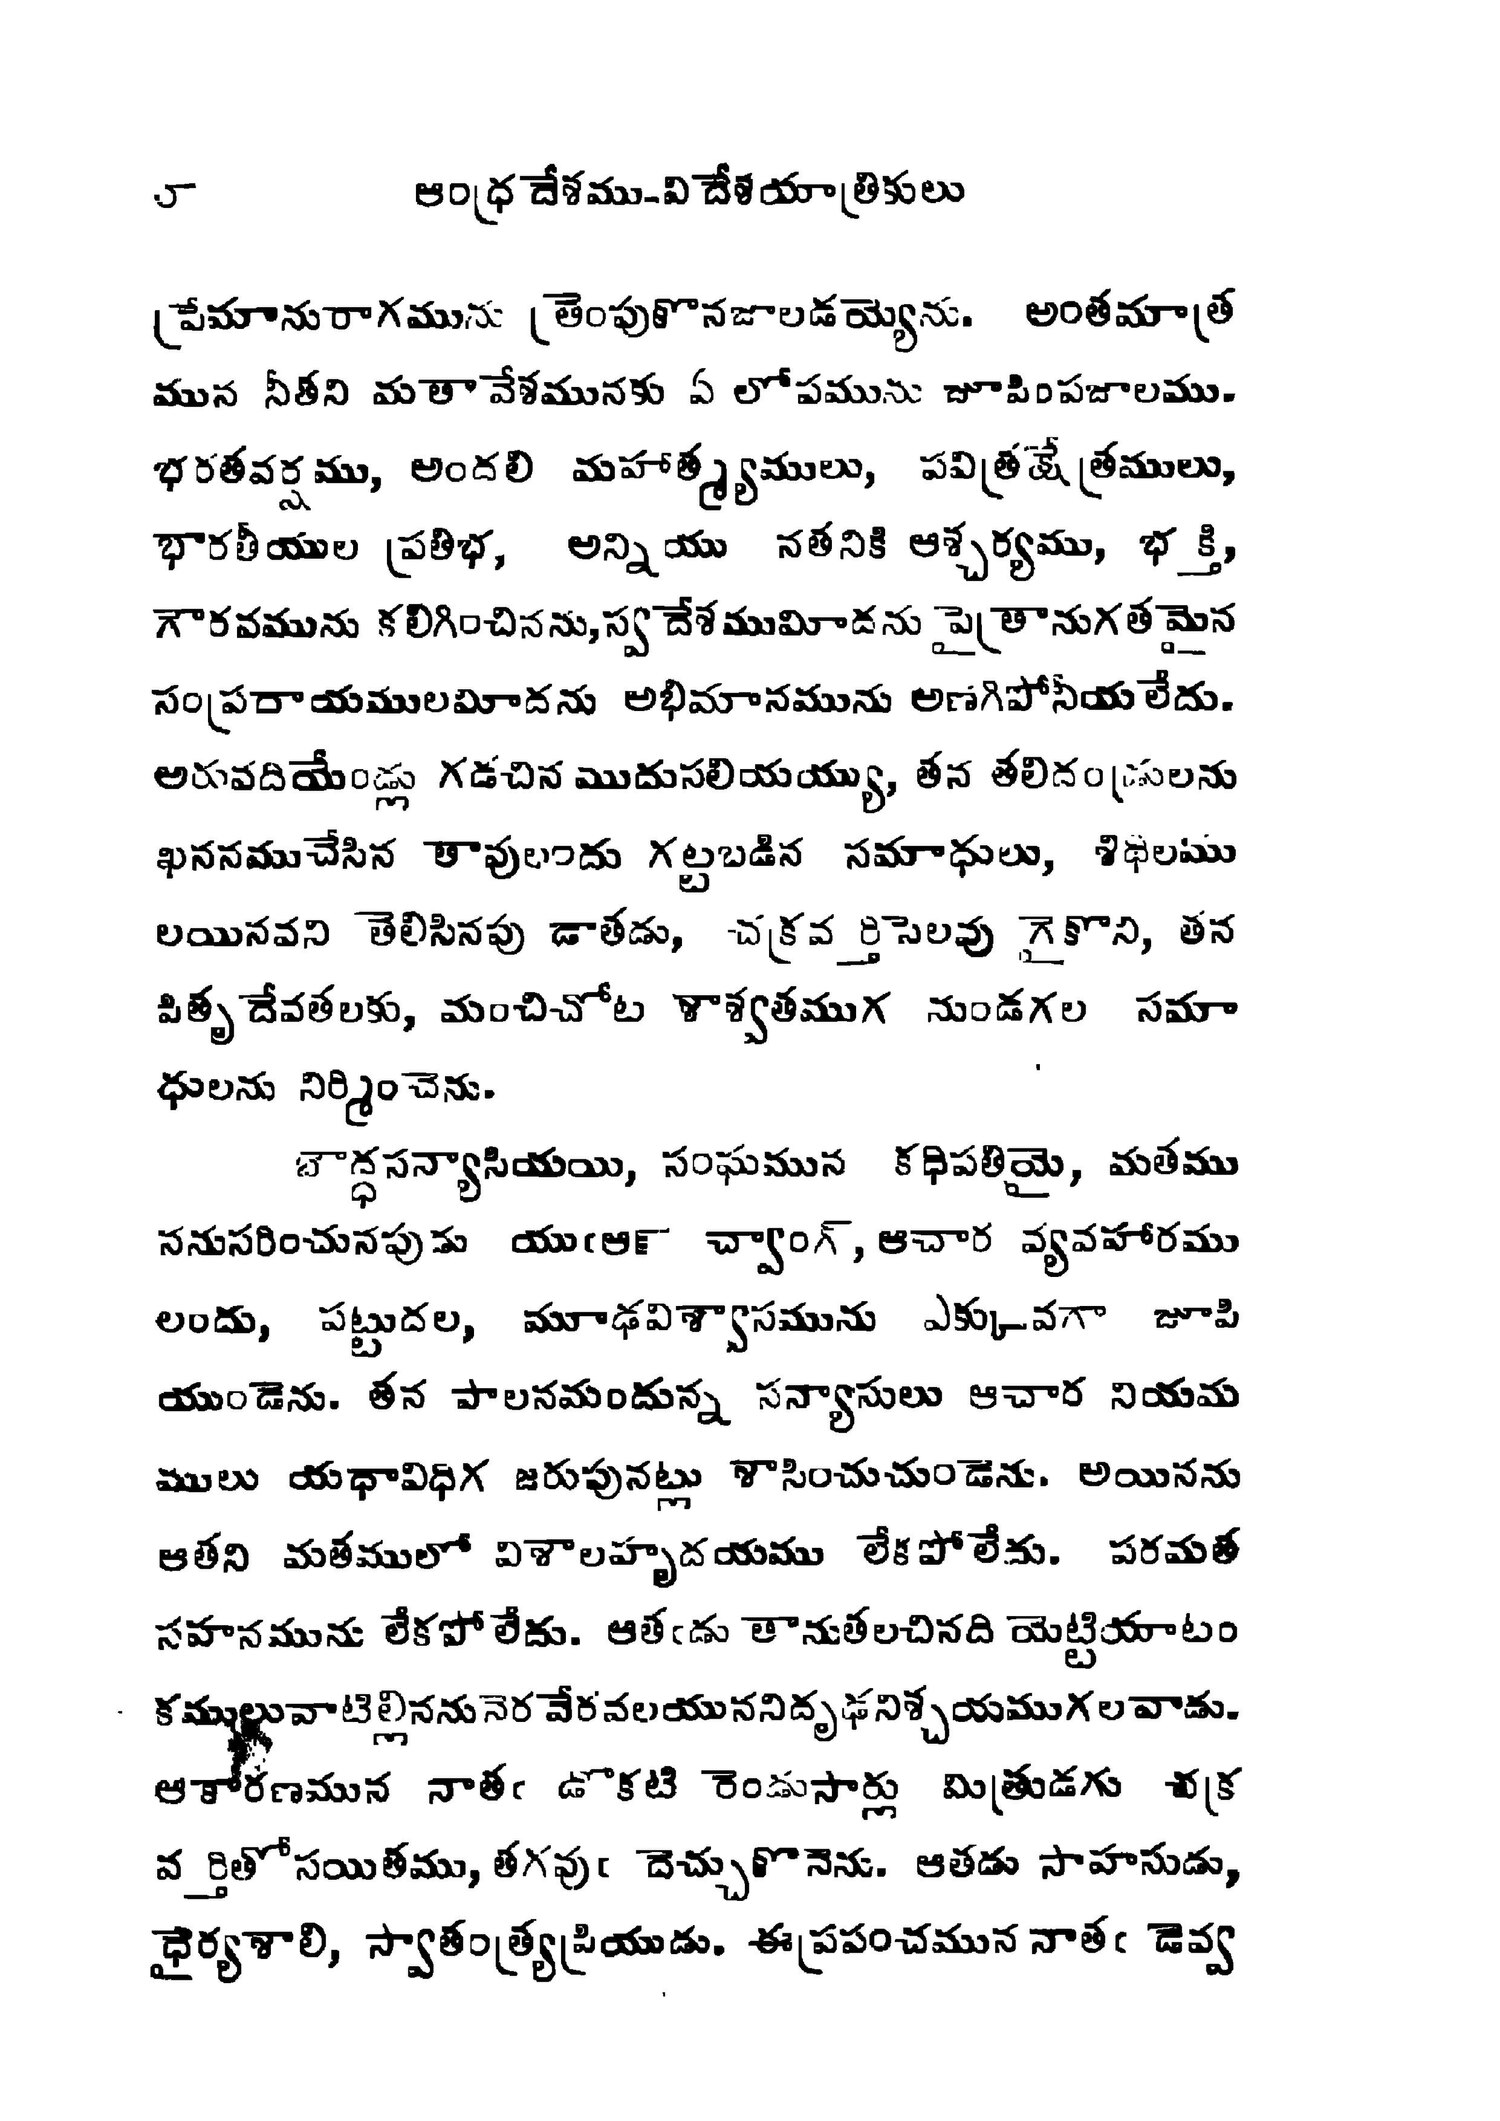ప్రేమానురాగమును త్రెంపుకొనజాలడయ్యెను. అంతమాత్రమున నీతని మతావేశమునకు ఏలోపమును జూపింపజాలము. భరతవర్షము, అందలి మహాత్మ్యములు, పవిత్రక్షేత్రములు, భారతీయుల ప్రతిభ, అన్నియు నతనికి ఆశ్చర్యము, భక్తి, గౌరవమును కలిగించినను, స్వదేశముమిాదను పైత్రానుగతమైన సంప్రదాయముల మిాదను అభిమానమును అణిగిపోనీయలేదు. అరువదియేండ్లు గడచిన ముదుసలియయ్యు, తన తలిదండ్రుల ను ఖననము చేసిన తావులందు గట్టబడిన సమాధులు, శిధిలములయినవని తెలినపుడాతడు, చక్రవర్తి సెలవు గైకొని, తన పితృదేవతలకు, మంచిచోట శాశ్వతముగ నుండగల సమాధులను నిర్మించెను.

బౌద్ధసన్నాసియు, సంఘమున కధిపతియై, మతము ననుసరించునప్పుడు యుఁఆన్‌ చ్వాంగ్‌ ఆచార వ్యవహార ములందు పట్టుదల, మూఢవిశ్వాసమును ఎక్కువ జూపియుండెను. తన పాలనమందున్న సన్యాసులు ఆచార నియమములు యధావిధిగ జరుపునట్లు శాసించుచుండెను. అయిను అతని మతములో విశాలహృదయము లేకపోలేదు. పరమత సహనము లేకపోలేదు. అతఁడు తానుతలచినది యెట్టి యాటంకములు వాటిల్లినను నెరవేర వలయునని దృఢనిశ్చయముగలవాడు. ఆకరణమున నాతఁడొకటి రెండుసార్లు తగచుఁదెచ్చుకొనెను. అతడు సాహసుడు. ధైర్యశాలి, స్వాతంత్రప్రియుడు. ఈప్రపంచమున నాతఁ డెవ్వ